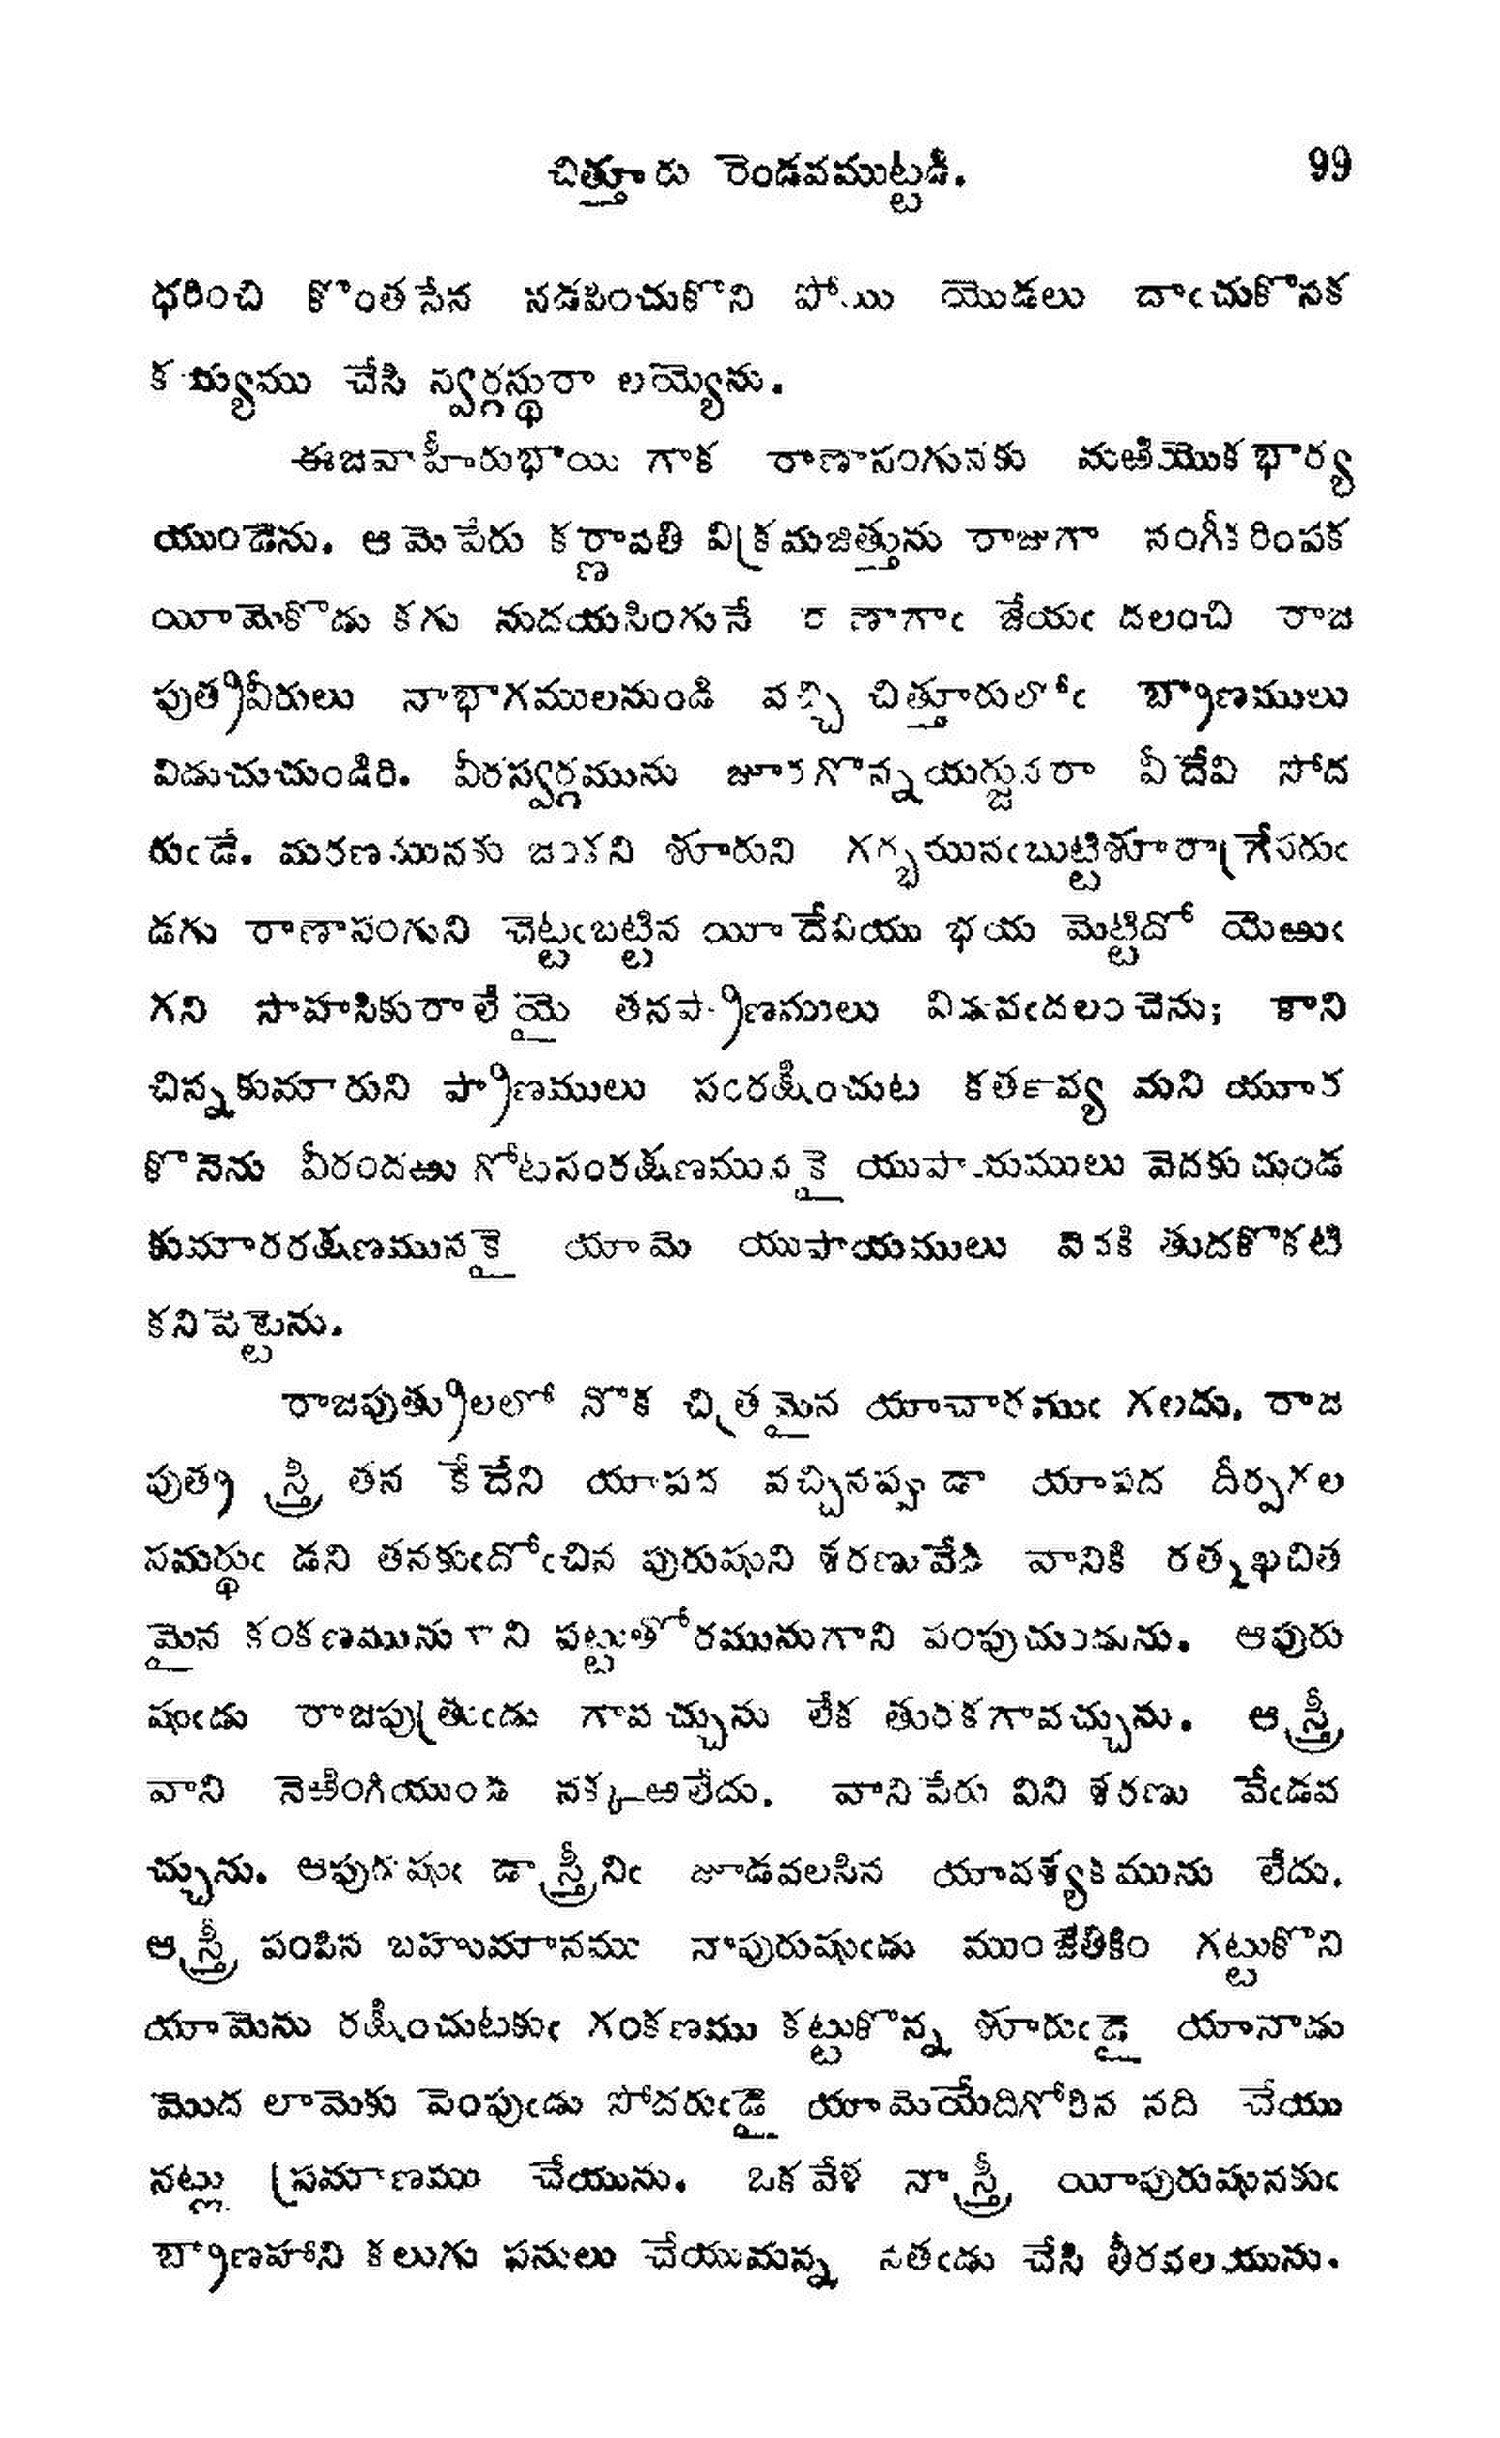ధరించి కొంత సేన నడపించుకొని పోయి యొడలు దాఁచుకొనక కయ్యము చేసి స్వర్గస్థురా లయ్యెను.

ఈజవాహీరుభాయి గాక రాణా సంగునకు మఱియొక భార్యయుండెను. ఆమె పేరు కర్ణాపతి విక్రమజిత్తును రాజుగా నంగీకరింపక యీమెకొడు కగు నుడయసింగునే రాణాగాఁ జేయఁ దలంచి రాజపుత్రవీరులు నాభాగములనుండి వచ్చి చిత్తూరులోఁ బ్రాణములు విడుచుచుండిరి. వీరస్వర్గమును జూర గొన్న యగ్జునరా వీదేవి సోదరుఁడే. మరణమునకు జంకని శూరుని గర్భమునఁబుట్టి శూరాగ్రేసరుఁడగు రాణాసంగుని చెట్టఁబట్టిన యీ దేవియు భయమెట్టిదో యెఱుఁగని సాహసికురాలేయై తన ప్రాణములు విడువఁదలంచెను; కాని చిన్న కుమారుని ప్రాణములు సంరక్షించుట కత౯వ్య మని యూర కొనెను వీరందఱు గోటసంరక్షణమునకై యుపాయములు వెదకు చుండ కుమారరక్షణమునకై యామె యుపొయములు వెదకి తుదకొకటి కనిపెట్టెను.

రాజపుత్రులలో నొక చిత్రమైన యాచారముఁ గలదు, రాజపుత్ర స్త్రీ తన 'కేదేని యాపద వచ్చినప్పుడా యాపద దీర్పగల సమర్దుఁ డని తనకుఁదోఁచిన పురుషుని శరణు వేడి వానికి రత్నఖచితమైన కంకణమును గాని పట్టుతోరమునుగాని పంపుచుండును. ఆపురుషుఁడు రాజపుత్రుఁడు గావచ్చును లేక తురకగావచ్చును. ఆస్త్రీ వాని నెఱింగియుండ నక్కఱ లేదు. వానిపేరు విని శరణు వేఁడవచ్చును. ఆపురుషుఁ డా స్త్రీనిఁ జూడవలసిన యావశ్యకమును లేదు. ఆ స్త్రీ పంపిన బహుమానము నా పురుషుఁడు ముంజేతికిం గట్టుకొని యామెను రక్షించుటకుఁ గంకణము కట్టుకొన్న శూరుఁడై యానాడు మొద లామెకు పెంపుఁడు సోదరుఁడై యామెయేదిగోరిన నది చేయునట్లు ప్రమాణము చేయును.
ఒక వేళ నా స్త్రీ యీపురుషునకుఁ బ్రాణహాని కలుగు పనులు చేయుమన్న నతఁడు చేసి తీరవలయును.